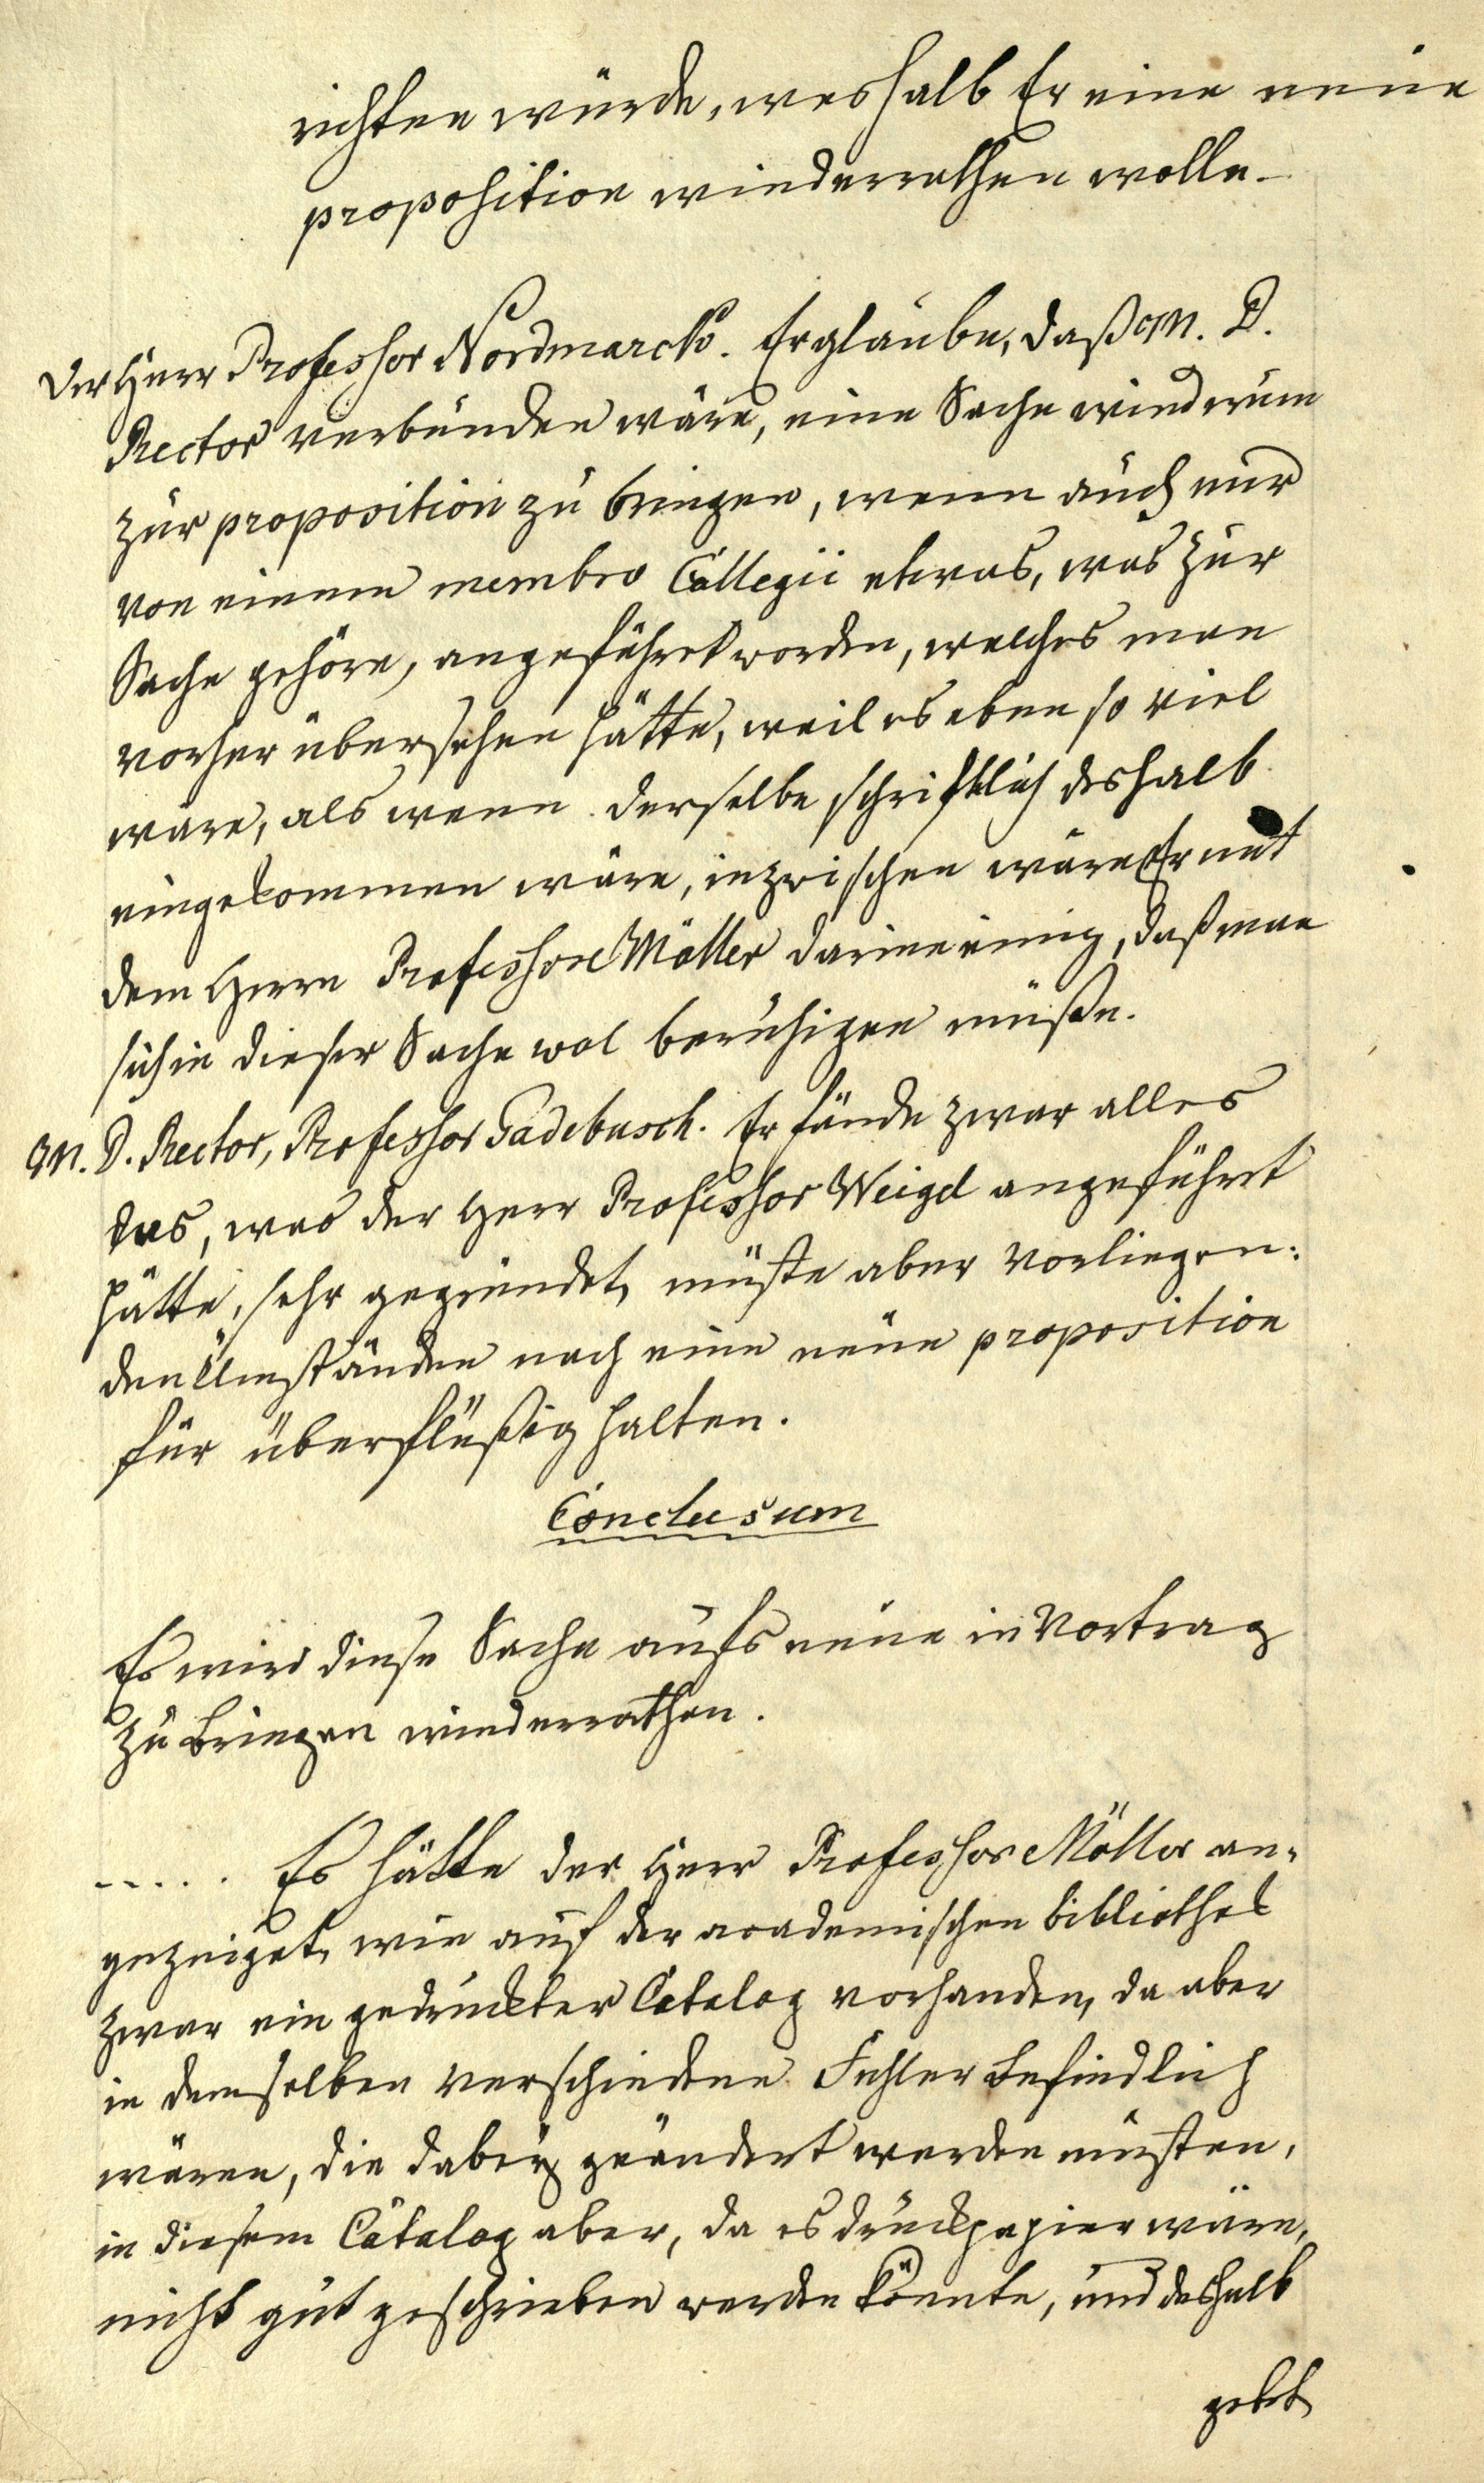richten würde, weshalb Er eine neune
proposition wiederrathen wolle.
Der Herr Professor Nordmarck. Er glaube, daß M. D.
Rector verbunden wäre, eine Sache wiederum
zur proposition zu bringen, wenn auch nur
von einem membro Collegii etwas, was zur
Sache gehöre, angeführet worden, welches man
vorher übersehen hätte, weil es eben so viel
wäre, als wenn derselbe schriftlich deshalb
eingekommen wäre, inzwischen wäre Er mit
dem Herrn Professore Möller darin einig, daß man
sich in dieser Sache wol beruhigen müße.
M. D. Rector, Professor Gadebusch. Er fände zwar alles
das, was der Herr Professor Weigel angeführet
hätte, sehr gegründet, müßte aber vorliegen¬
den Umständen nach eine neue proposition
für überflüßig halten.
Conclusum
Es wird diese Sache aufs neue in Vortrag
zu bringen wiederrathen.
Es hätte der Herr Professor Möller an¬
gezeiget, wie auf der academischen Bibliothek
zwar ein gedruckter Catalog vorhanden, da aber
in demselben verschiedene Fehler befindlich
wären, die dabeÿ geändert werden müsten,
in diesem Catalog aber, da es druckpapier wäre,
nicht gut geschrieben werden könnte, und deshalb
gehet